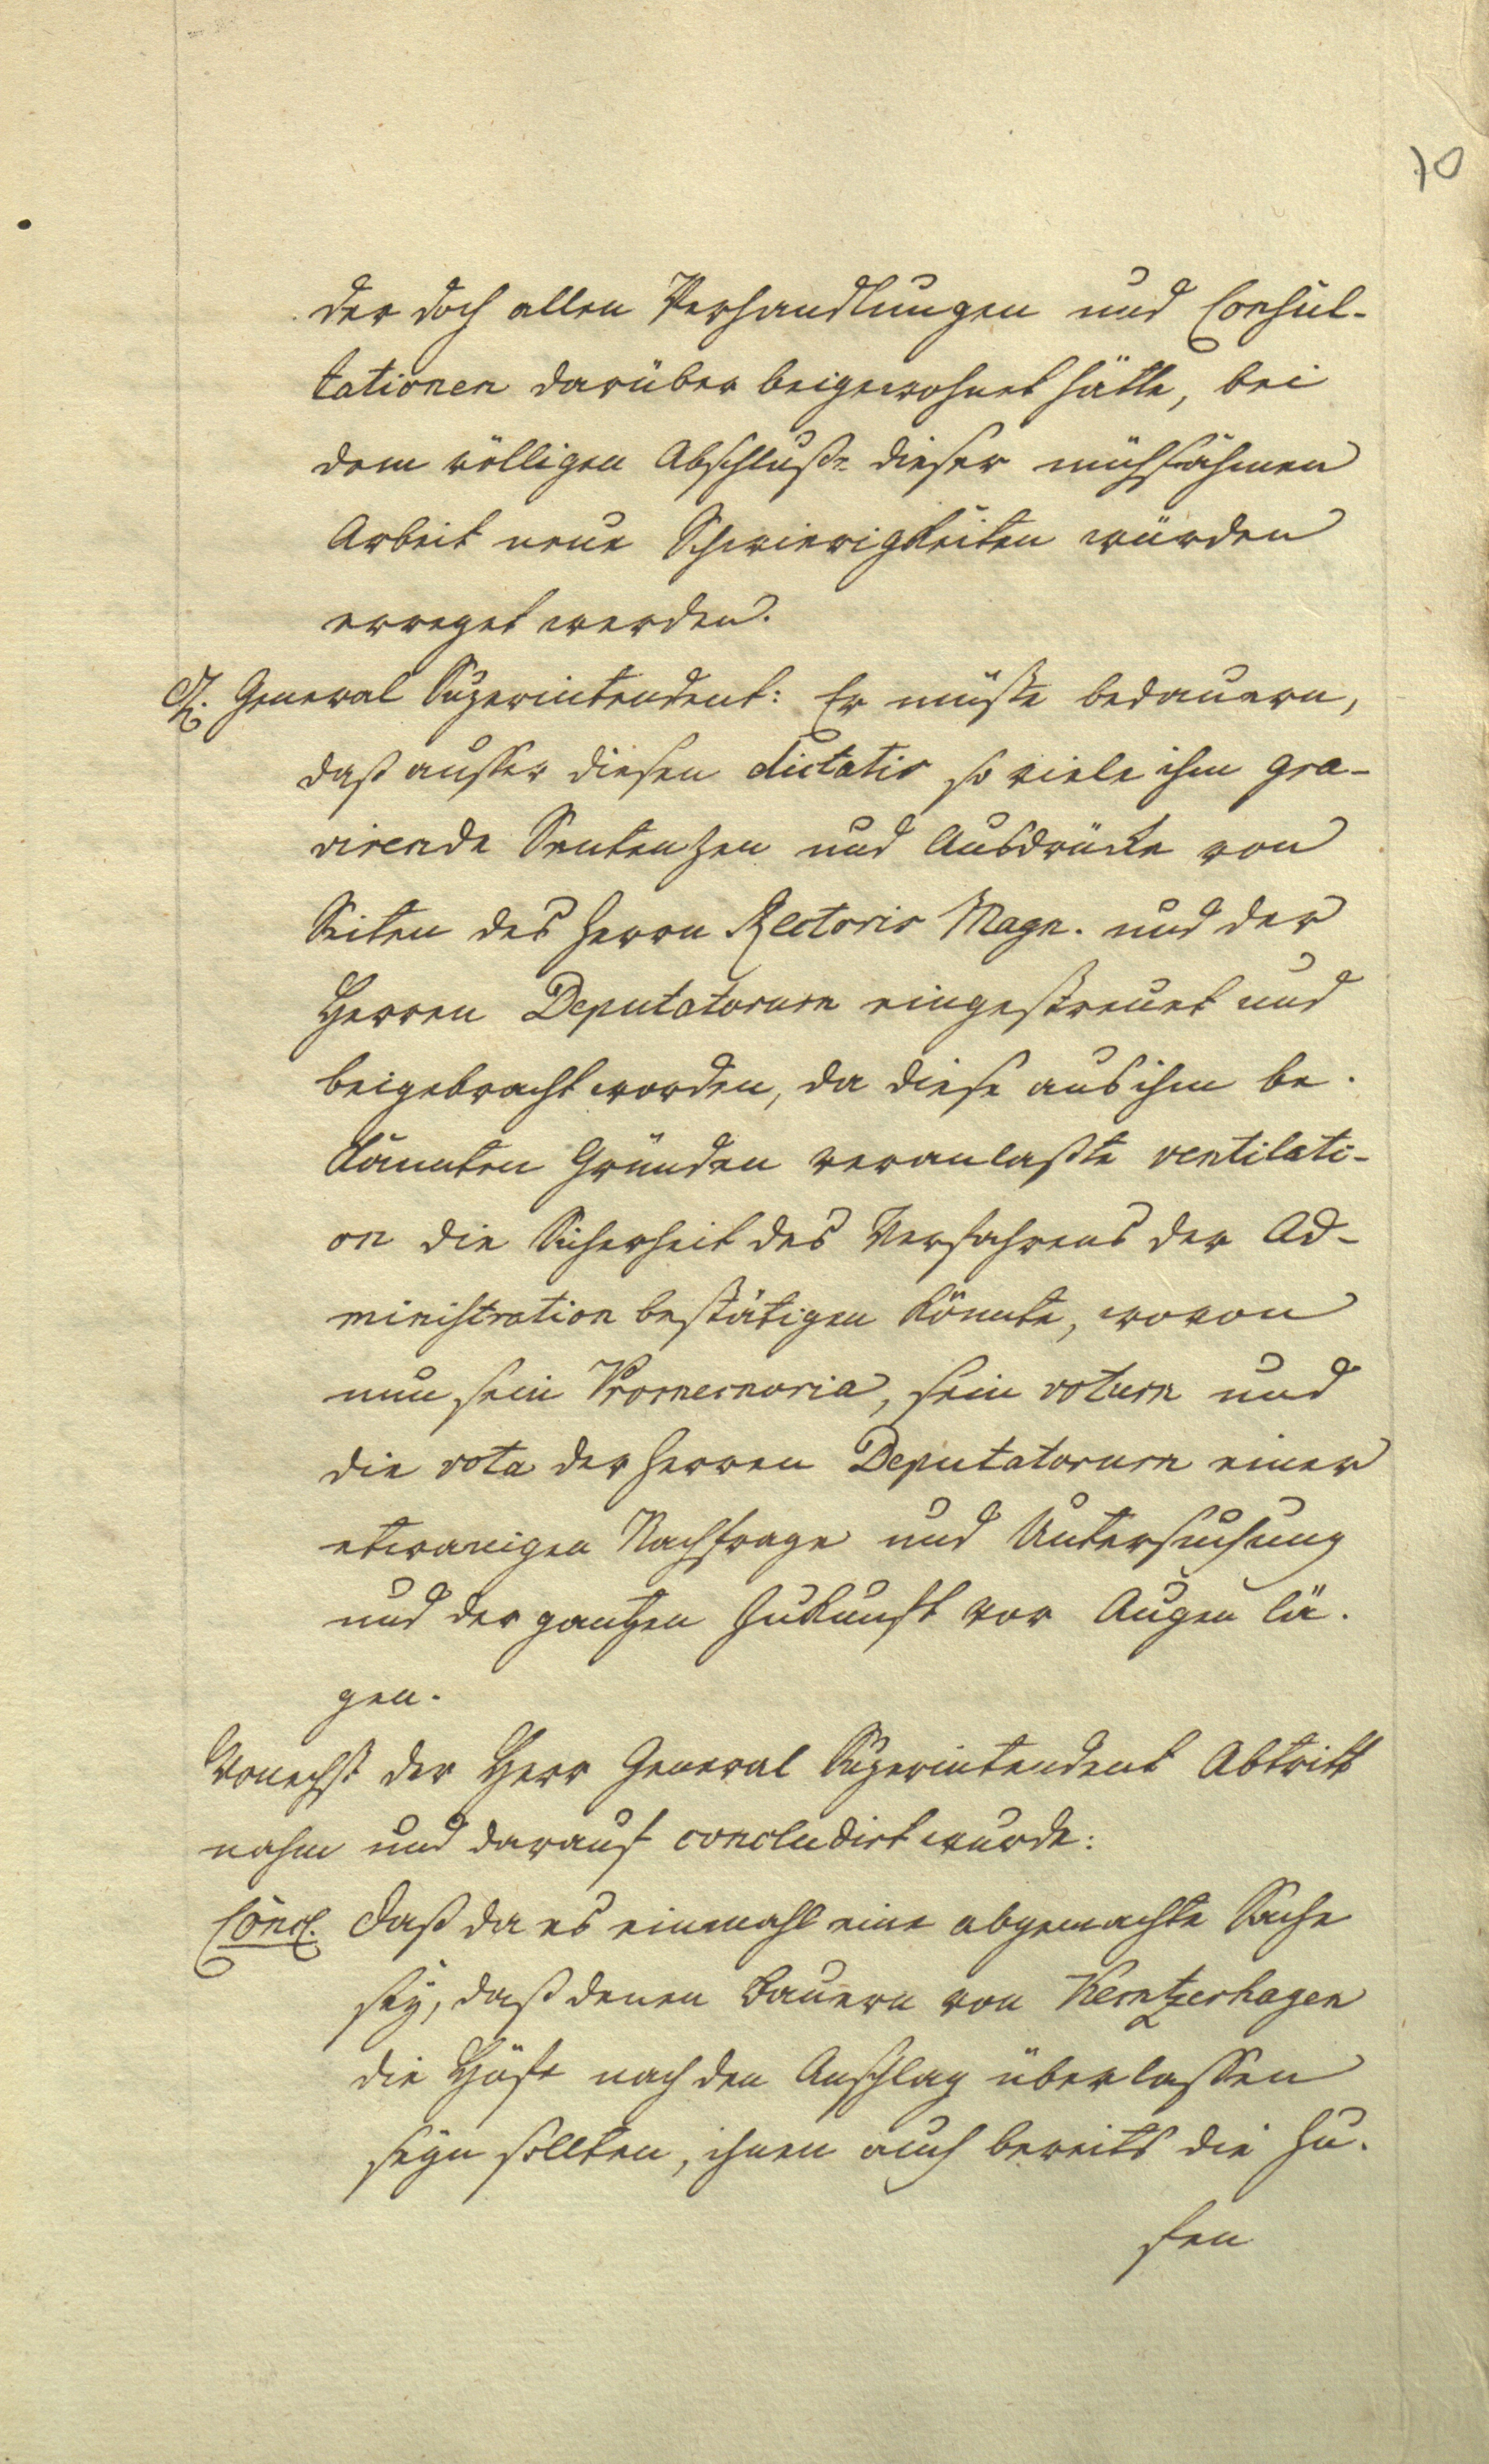der doch allen Verhandlungen und Consul¬
tationen darüber beigewohnet hätte, bei
dem völligen Abschluße dieser mühsahmen
Arbeit neue Schwierigkeiten würden
erreget werden.
dh. General Superintendent. Er müßte bedauern,
daß ausser diesen dictatis so viele ihm gra¬
virende Sentenzen und Ausdrücke von
Seiten des Herrn Rectoris Magn. und der
Herren Deputatorum eingestreuet und
beigebracht worden, da diese aus ihm be¬
kannten Gründen veranlaßte ventilati¬
on die Sicherheit des Verfahrens der Ad¬
ministration bestätigen könnte, wovon
nun sein Promemoria, sein votum und
die vota der Herren Deputatorum einer
etwanigen Nachfrage und Untersuchung
und der gantzen Zukunft vor Auge lä¬
gen.
Wonechst der Herr General Superintendent Abtritt
nahm und darauf concludirt wurde:
Concl. Daß da es einmahl eine abgemachte Sache
seÿ, daß denen Bauern von Kemtzerhagen
die Höfe nach den Anschlag überlassen
seÿn sollten, ihnen auch bereits die Hu¬
fen